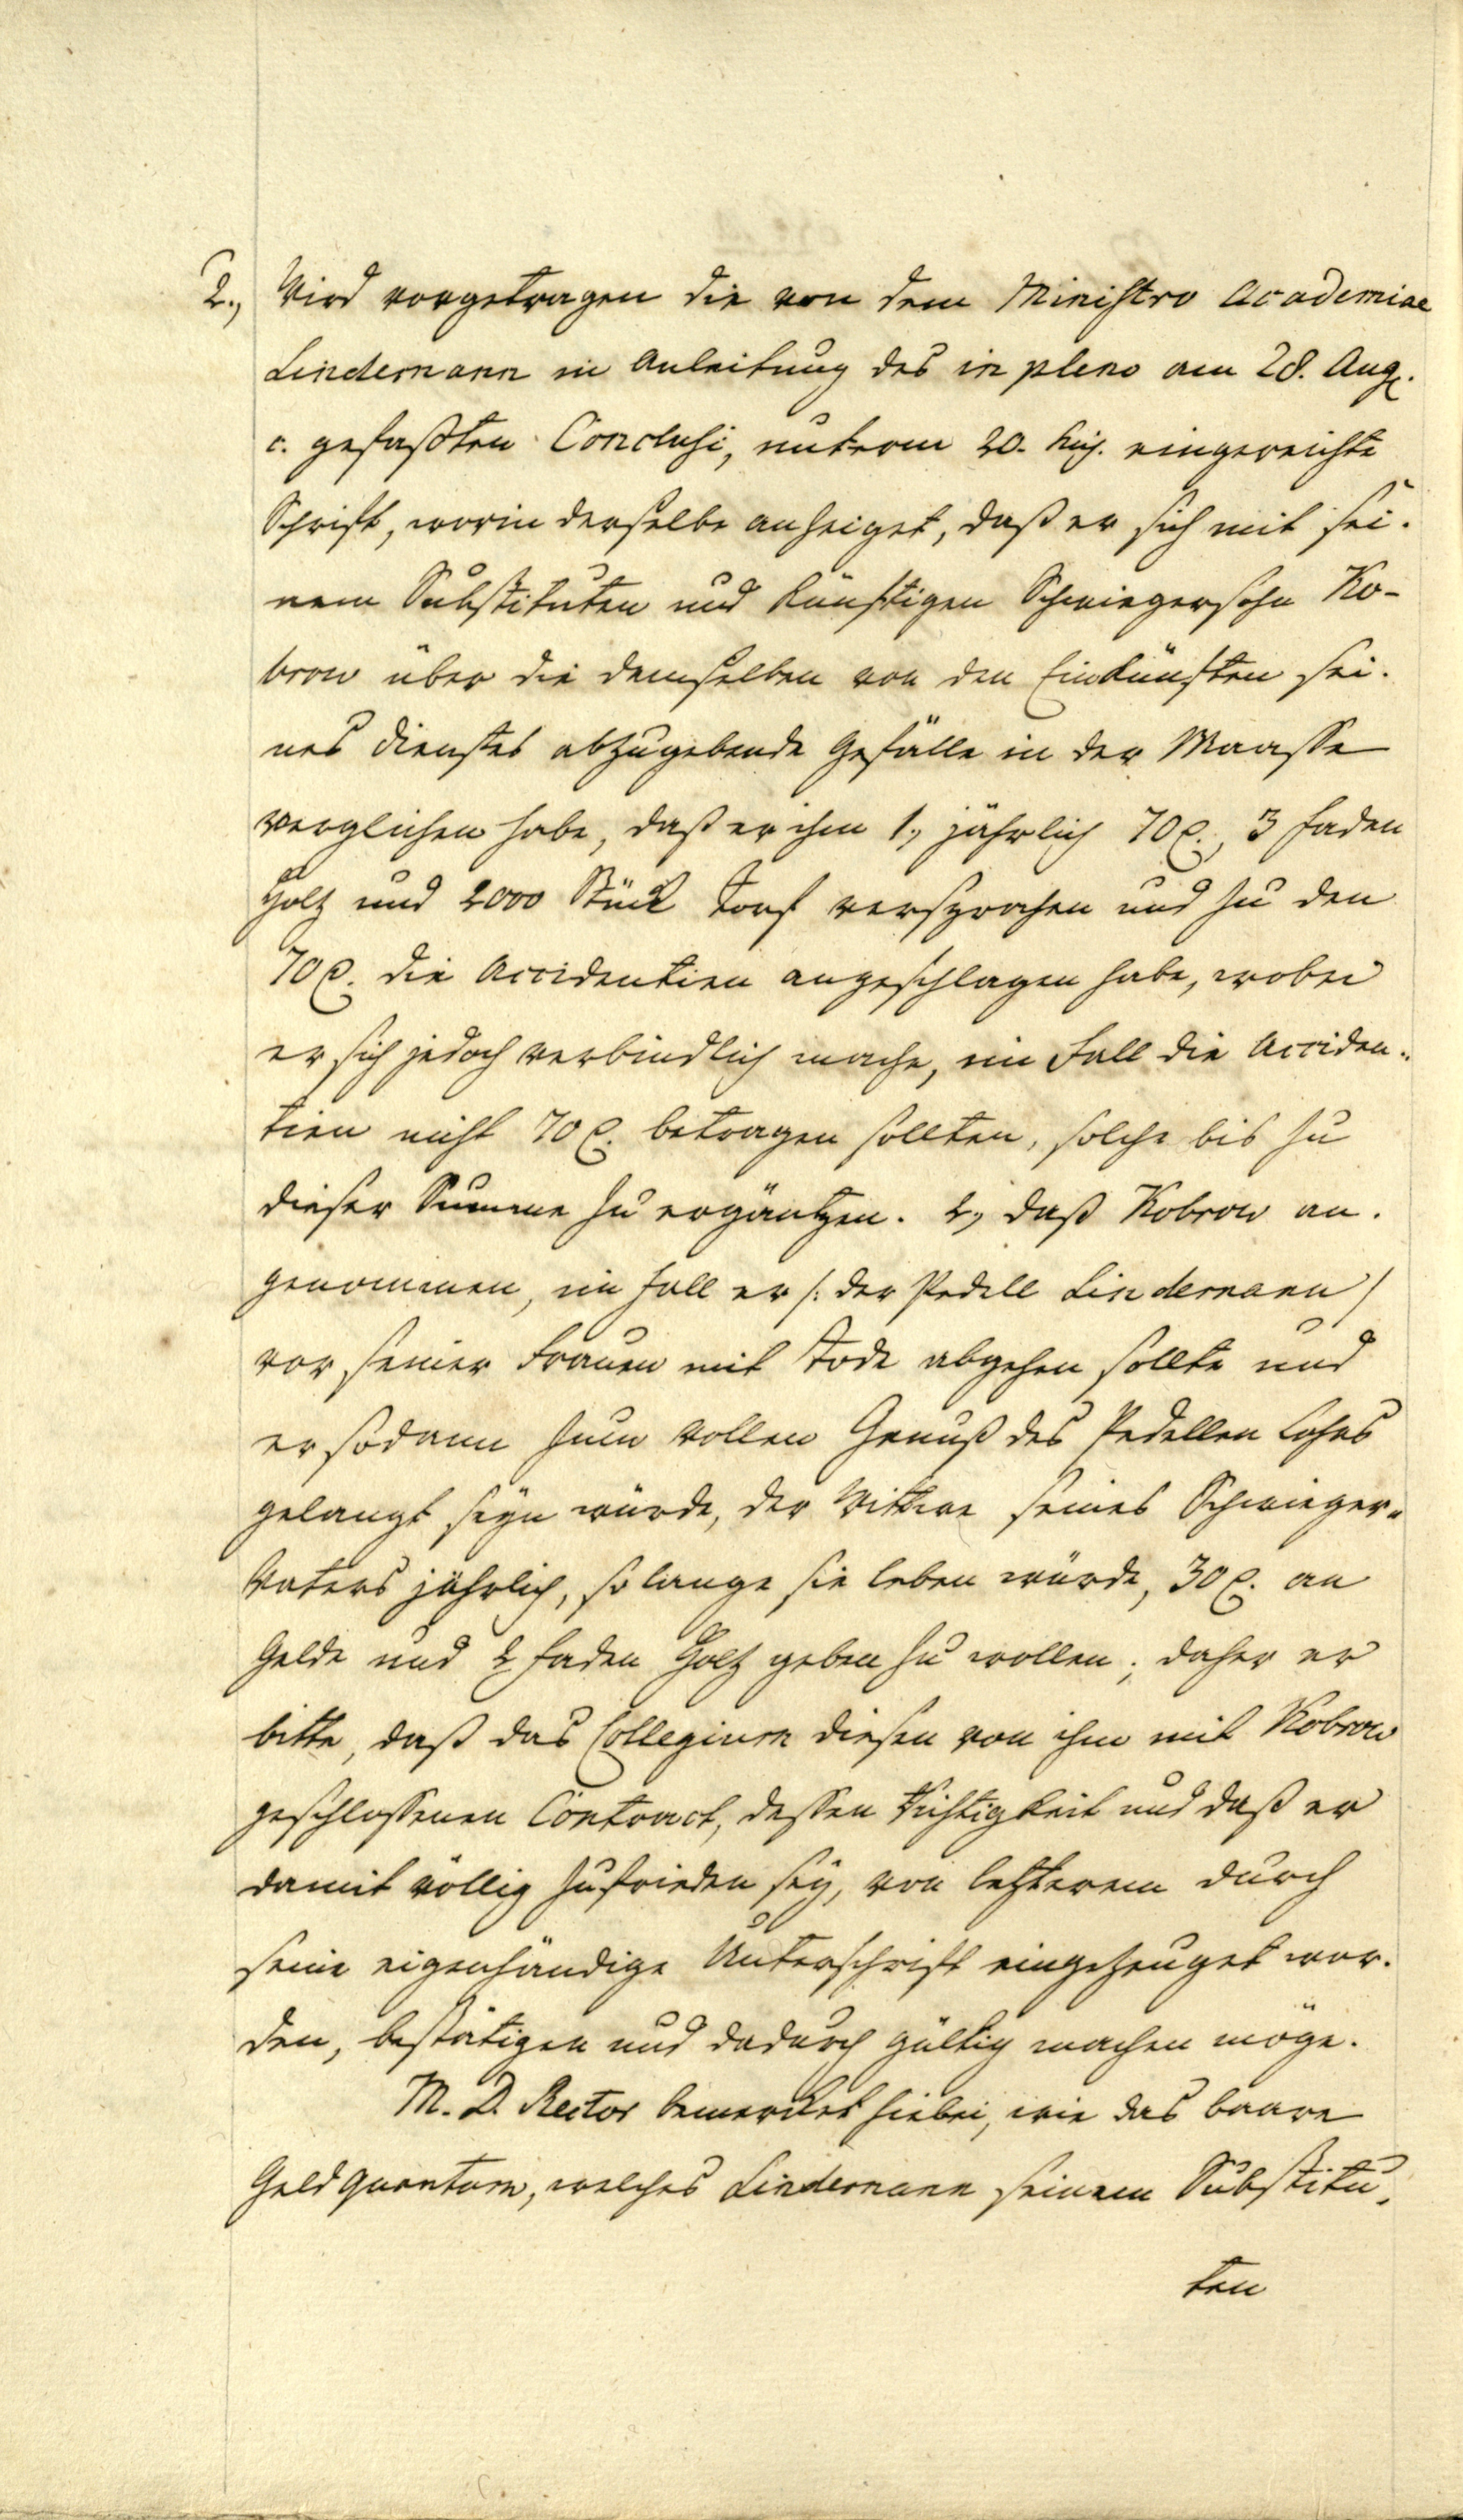2., Wird vorgetragen die von dem Ministero Academiae
Lindemann in Anleitung des in pleno am 28. Aug.
c. gefaßten Conclusi, unterm 20. huj. eingereichte
Schrift, worin derselbe anzeiget, daß er sich mit sei¬
nem Substituten und künftigen Schwiegersohn Ko¬
brow über die demselben von den Einkünften sei¬
es Dienstes abzugebende Gefälle in der Maasse
verglichen habe, daß er ihm 1, jährlich 70 l. 3 Faden
Holz und 2000 Stück Torf versprochen und zu den
70 l. die Accidentien angeschlagen habe, wobei
er sich jedoch verbindlich mache, im Fall die Acciden¬
tien nicht 70 l. betragen sollten, solche bis zu
dieser Summe zu ergäntzen. 2., daß Kobrow an¬
genommen, im Fall er /. der Pedell Lindemann/
vor seiner Frauen mit Tode abgehen sollte und
er sodann zum vollen Genuß des Pedellen Lohns
gelangt seÿn würde, der Wittwe seines Schwieger¬
Vaters jährlich, so lange sie leben würde, 30 l. an
Gelde und 2 Faden Holz geben zu wollen, daher er
bitte, daß das Collegium diesen von ihm mit Kobrow
geschlossenen Contract, dessen Richtigkeit und daß er
damit völlig zufrieden seÿ, von letzterem durch
seine eigenhändige Unterschrift eingezeuget wor¬
den, bestätigen und dadurch gültig machen möge.
M. D. Rector bemercket heute, wie das baare
Geld Quantum, welches Lindemann seinem Substitu¬
ten